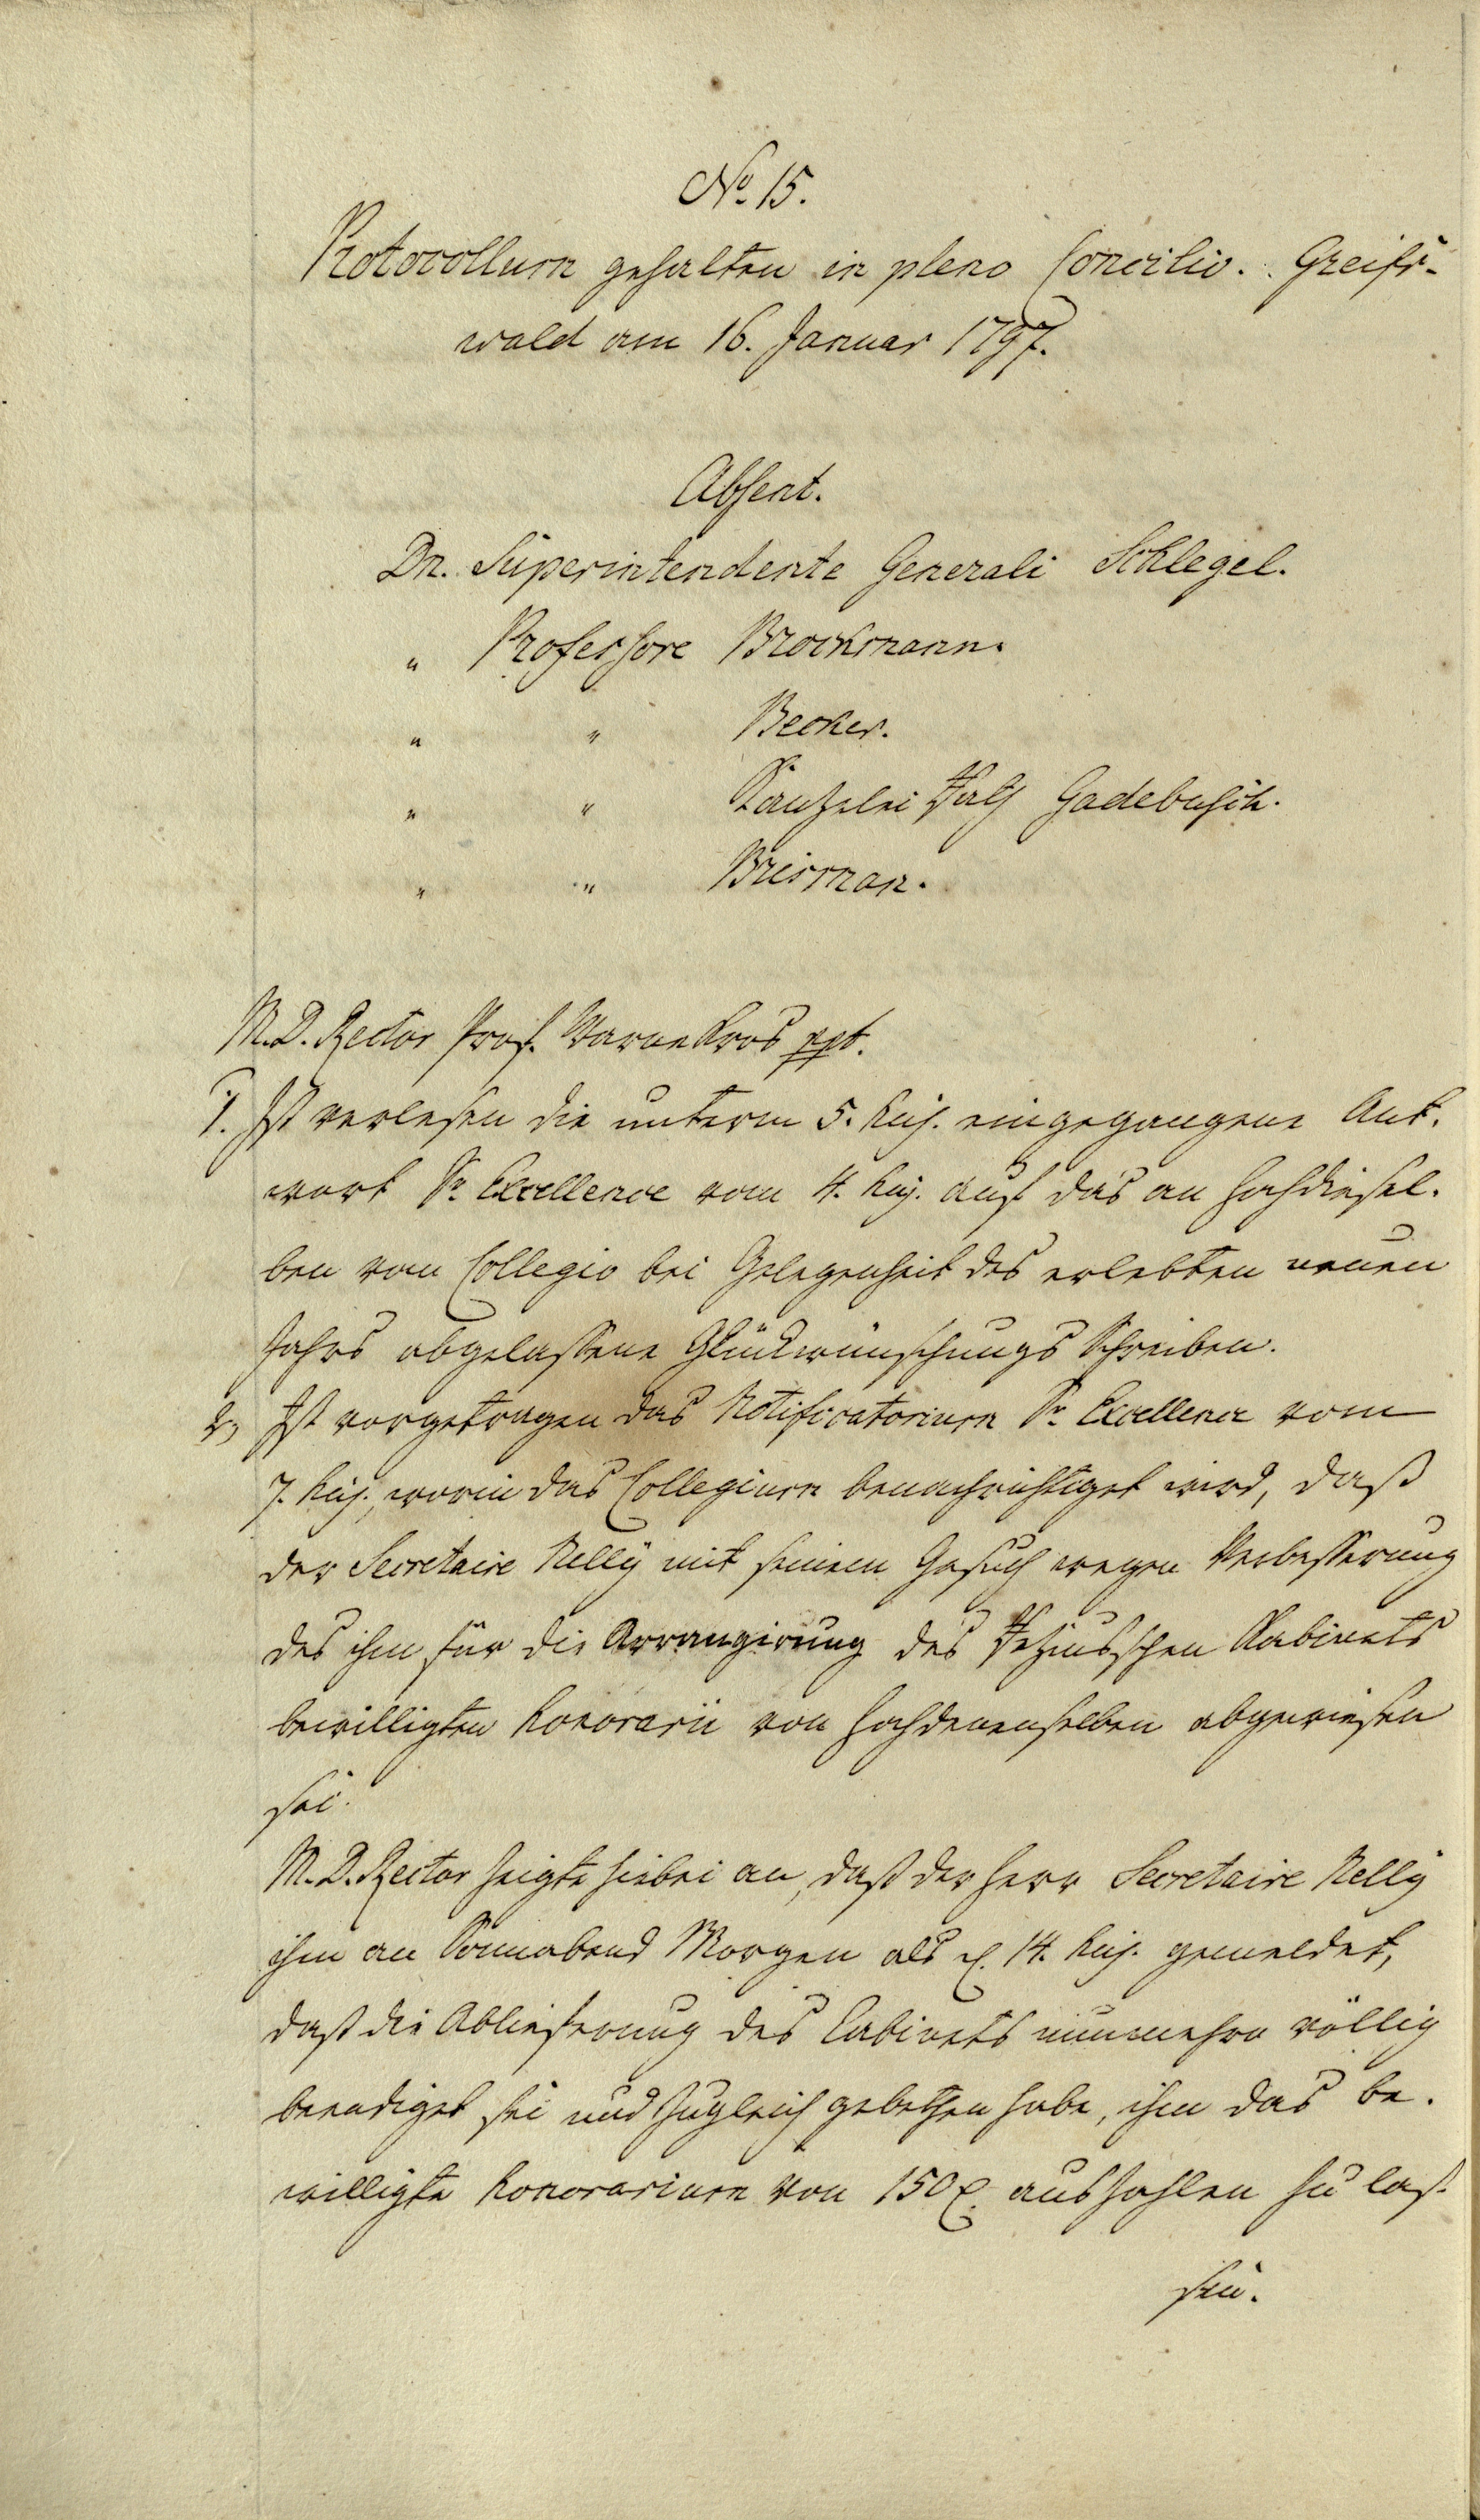No 15.
Protocollum gehalten in pleno Concilio. Greifs¬
wald am 16. Januar 1797.
Absent.
Dn. Superintendente Generali Schlegel.
Professore Brockmann.
Becker.
Kanzelei Rath Gadebusch.
Brisman.
M. D Rector Prof. Warnekros ppt.
1. Ist verlesen die unterm 5. huj. eingegangene Ant¬
wort Sr Excellence vom 4. huj. auf das an hochiesel¬
ben vom Collegio bei Gelegenheit des erlebten neuen
Jahrs abgelassene Glückwünschungs Schreiben.
2., Ist vorgetragen das Notifcatorium Sr. Excellence vom
7. huj., worin das Collegium benachrichtiget wird, daß
der Secretaire Nellÿ mit seinem Gesuch wegen Verbesserung
des ihm für die Arrangirung des Reziusschen Kabinets
bewilligten honorarii von hochdenenselben abgewiesen
sei.
M. D. Rector zeigte hiebei an, daß der Herr Secretaire Nellÿ
ihm an Sonnabend Morgen als d. 14. huj. gemeldet,
daß die Ablieferuug des Cabinets nunmehro völlig
beendiget sei und zugleich gebethen habe, ihm das be¬
willigte honorarium von 150 l. auszahlen zu las¬
sen.